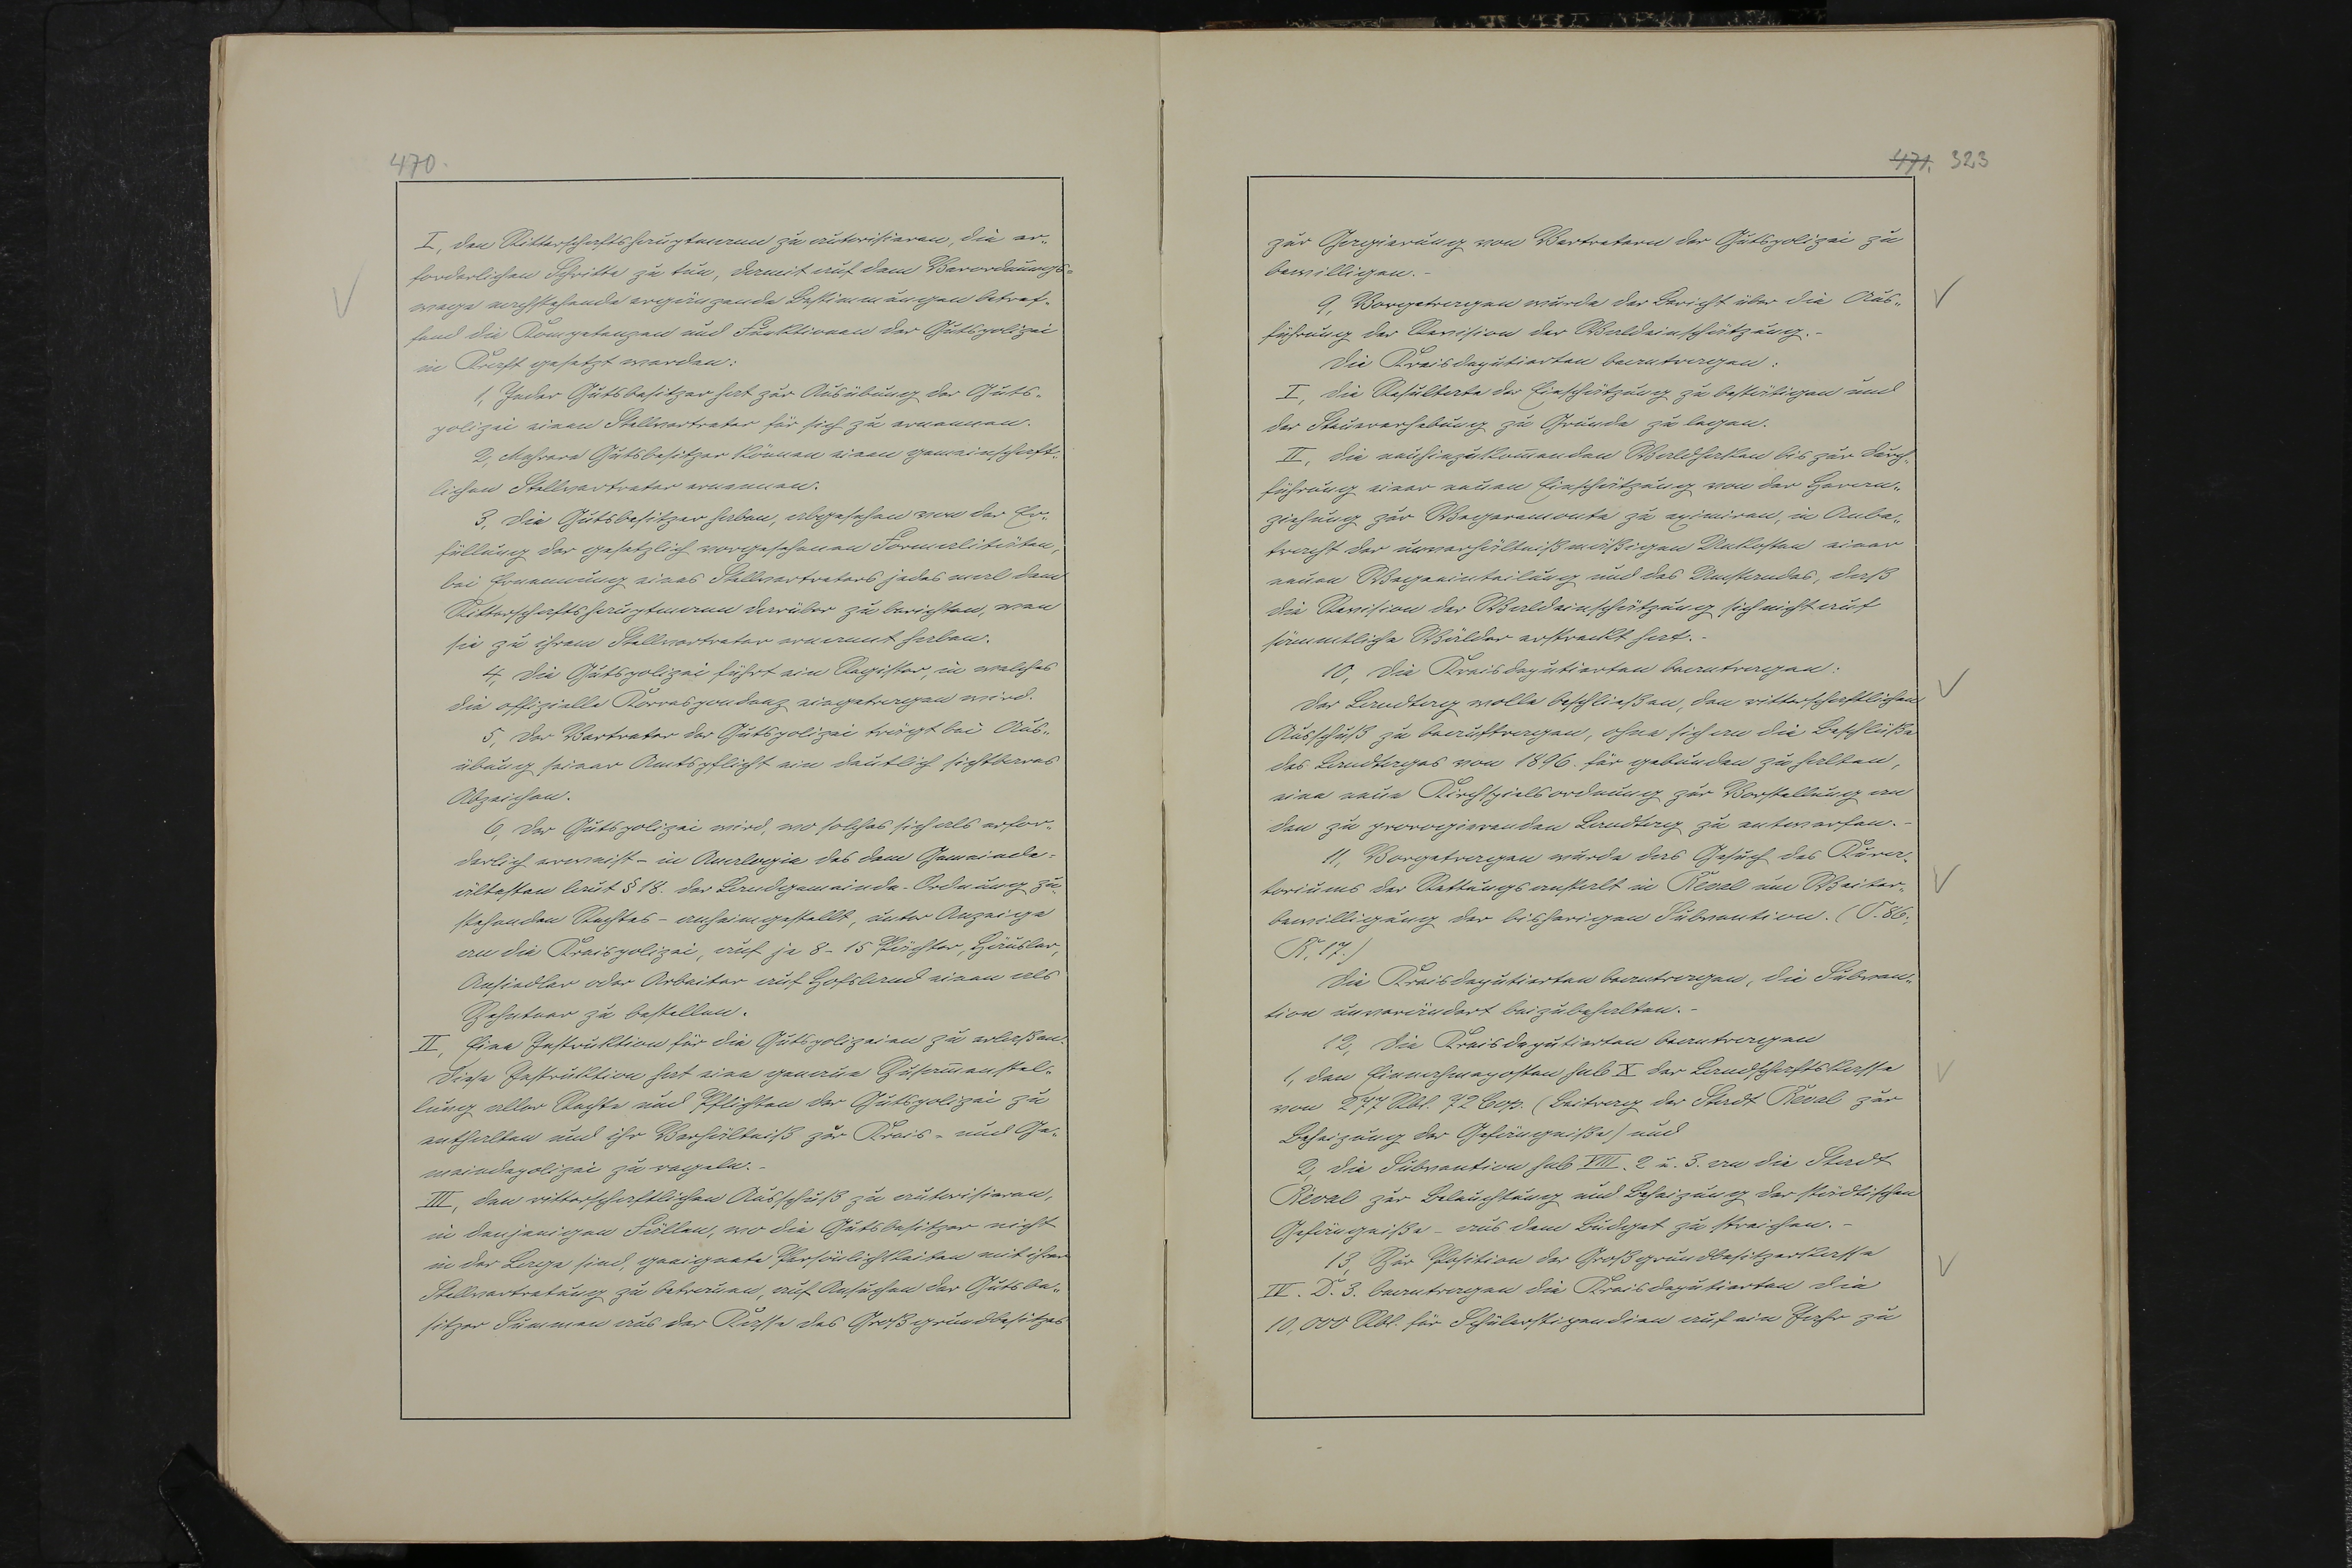I. den Ritterschaftshauptmann zu autorisieren, die er-
forderlichen Schritte zu tun, damit auf dem Verordnungs-
wege nachstehende ergänzende Bestimmungen betref-
fend die Kompetenzen und Funktionen der Gutspolizei
in Kraft gesetzt werden:
1. Jeder Gutsbesitzer hat zur Ausübung der Guts-
polizei einen Stellvertreter für sich zu ernennen.
2. Mehrere Gutsbesitzer können einen gemeinschaft-
lichen Stellvertreter ernennen.
3. Die Gutsbesitzer haben, abgesehen von der Er-
füllung der gesetzlich vorgesehenen Formalitäten,
bei Ernennung eines Stellvertreters jedes mal dem
Ritterschaftshauptmann darüber zu berichten, wen
sie zu ihrem Stellvertreter ernannt haben.
4. Die Gutspolizei führt ein Register, in welches
die offizielle Korrespondenz eingetragen wird.
5. Der Vertreter der Gutspolizei trägt bei Aus-
übung seiner Amtspflicht ein deutlich sichtbares
Abzeichen.
6. Der Gutspolizei wird, wo solches sich als erfor-
derliche erweist – in Analogie des dem Gemeinde-
ältesten laut § 18. der Landgemeinde-Ordnung zu-
stehenden Rechtes – anheimgestellt, unter Anzeige
an die Kreispolizei, auf je 8-15 Pächter, Häusler,
Ansiedler oder Arbeiter auf Hofsland einen als
Zehntner zu bestellen.
II. Eine Instruktion für die Gutspolizeien zu erlaßen.
Diese Instruktion hat eine genaue Zusammenstel-
lung aller Rechte und Pflichten der Gutspolizei zu
enthalten und ihr Verhältniß zur Kreis- und Ge-
meindepolizei zu regeln.
III. den ritterschaftlichen Ausschuß zu autorisieren,
in denjenigen Fällen, wo die Gutsbesitzer nicht
in der Lage sind, geeignete Persönlichkeiten mit ihrer
Stellvertretung zu betrauen, auf Ansuchen der Gutsbe-
sitzer Summen aus der Kasse des Großgrundbesitzes
zur Gagierung von Vertretern der Gutspolizei zu
bewilligen.
9. Vorgetragen wurde der Bericht über die Aus-
führung der Revision der Waldeinschätzung.
Die Kreisdeputierten beantragen:
I. die Resultate der Einschätzung zu bestätigen und
der Steuererhebung zu Grunde zu legen.
II. die neuhinzukommenden Waldhaken bis zur Durch-
führung einer neuen Einschätzung von der Heran-
ziehung zur Wegeremonte zu eximiren, in Anbe-
tracht der unverhältnißmäßigen Unkosten einer
neuen Wegeeinteilung und des Umstandes, daß
die Revision der Waldeinschätzung sich nicht auf
sämtliche Wälder erstreckt hat.
10. Die Kreisdeputierten beantragen:
Der Landtag wolle beschließen, den ritterschaftlichen
Ausschuß zu beauftragen, ohne sich an die Beschlüße
des Landtages von 1896. für gebunden zu halten,
eine neue Kirchspielsordnung zur Vorstellung an
den zu prorogierenden Landtag zu entwerfen.
11. Vorgetragen wurde das Gesuch des Kura-
toriums der Rettungsanstalt in Reval um Weiter-
bewilligung der bisherigen Subvention. (T.86;
R.17.)
Die Kreisdeputierten beantragen, die Subven-
tion unverändert beizubehalten.
12. Die Kreisdeputierten beantragen
1. Den Einnahmeposten sub X der Landschaftskasse
von 277 Rbl. 72 Cop. (Beitrag der Stadt Reval zur
Beheizung der Gefängniße) und
2. die Subvention sub VIII.2 u. 3. an die Stadt
Reval zur Beleuchtung und Beheizung der städtischen
Gefängniße - aus dem Budget zu streichen.
13. Zur Position der Großgrundbesitzerkasse
IV. D.3. beantragen die Kreisdeputierten die
10.000 Rbl. für Schülerstipendien auf ein Jahr zu